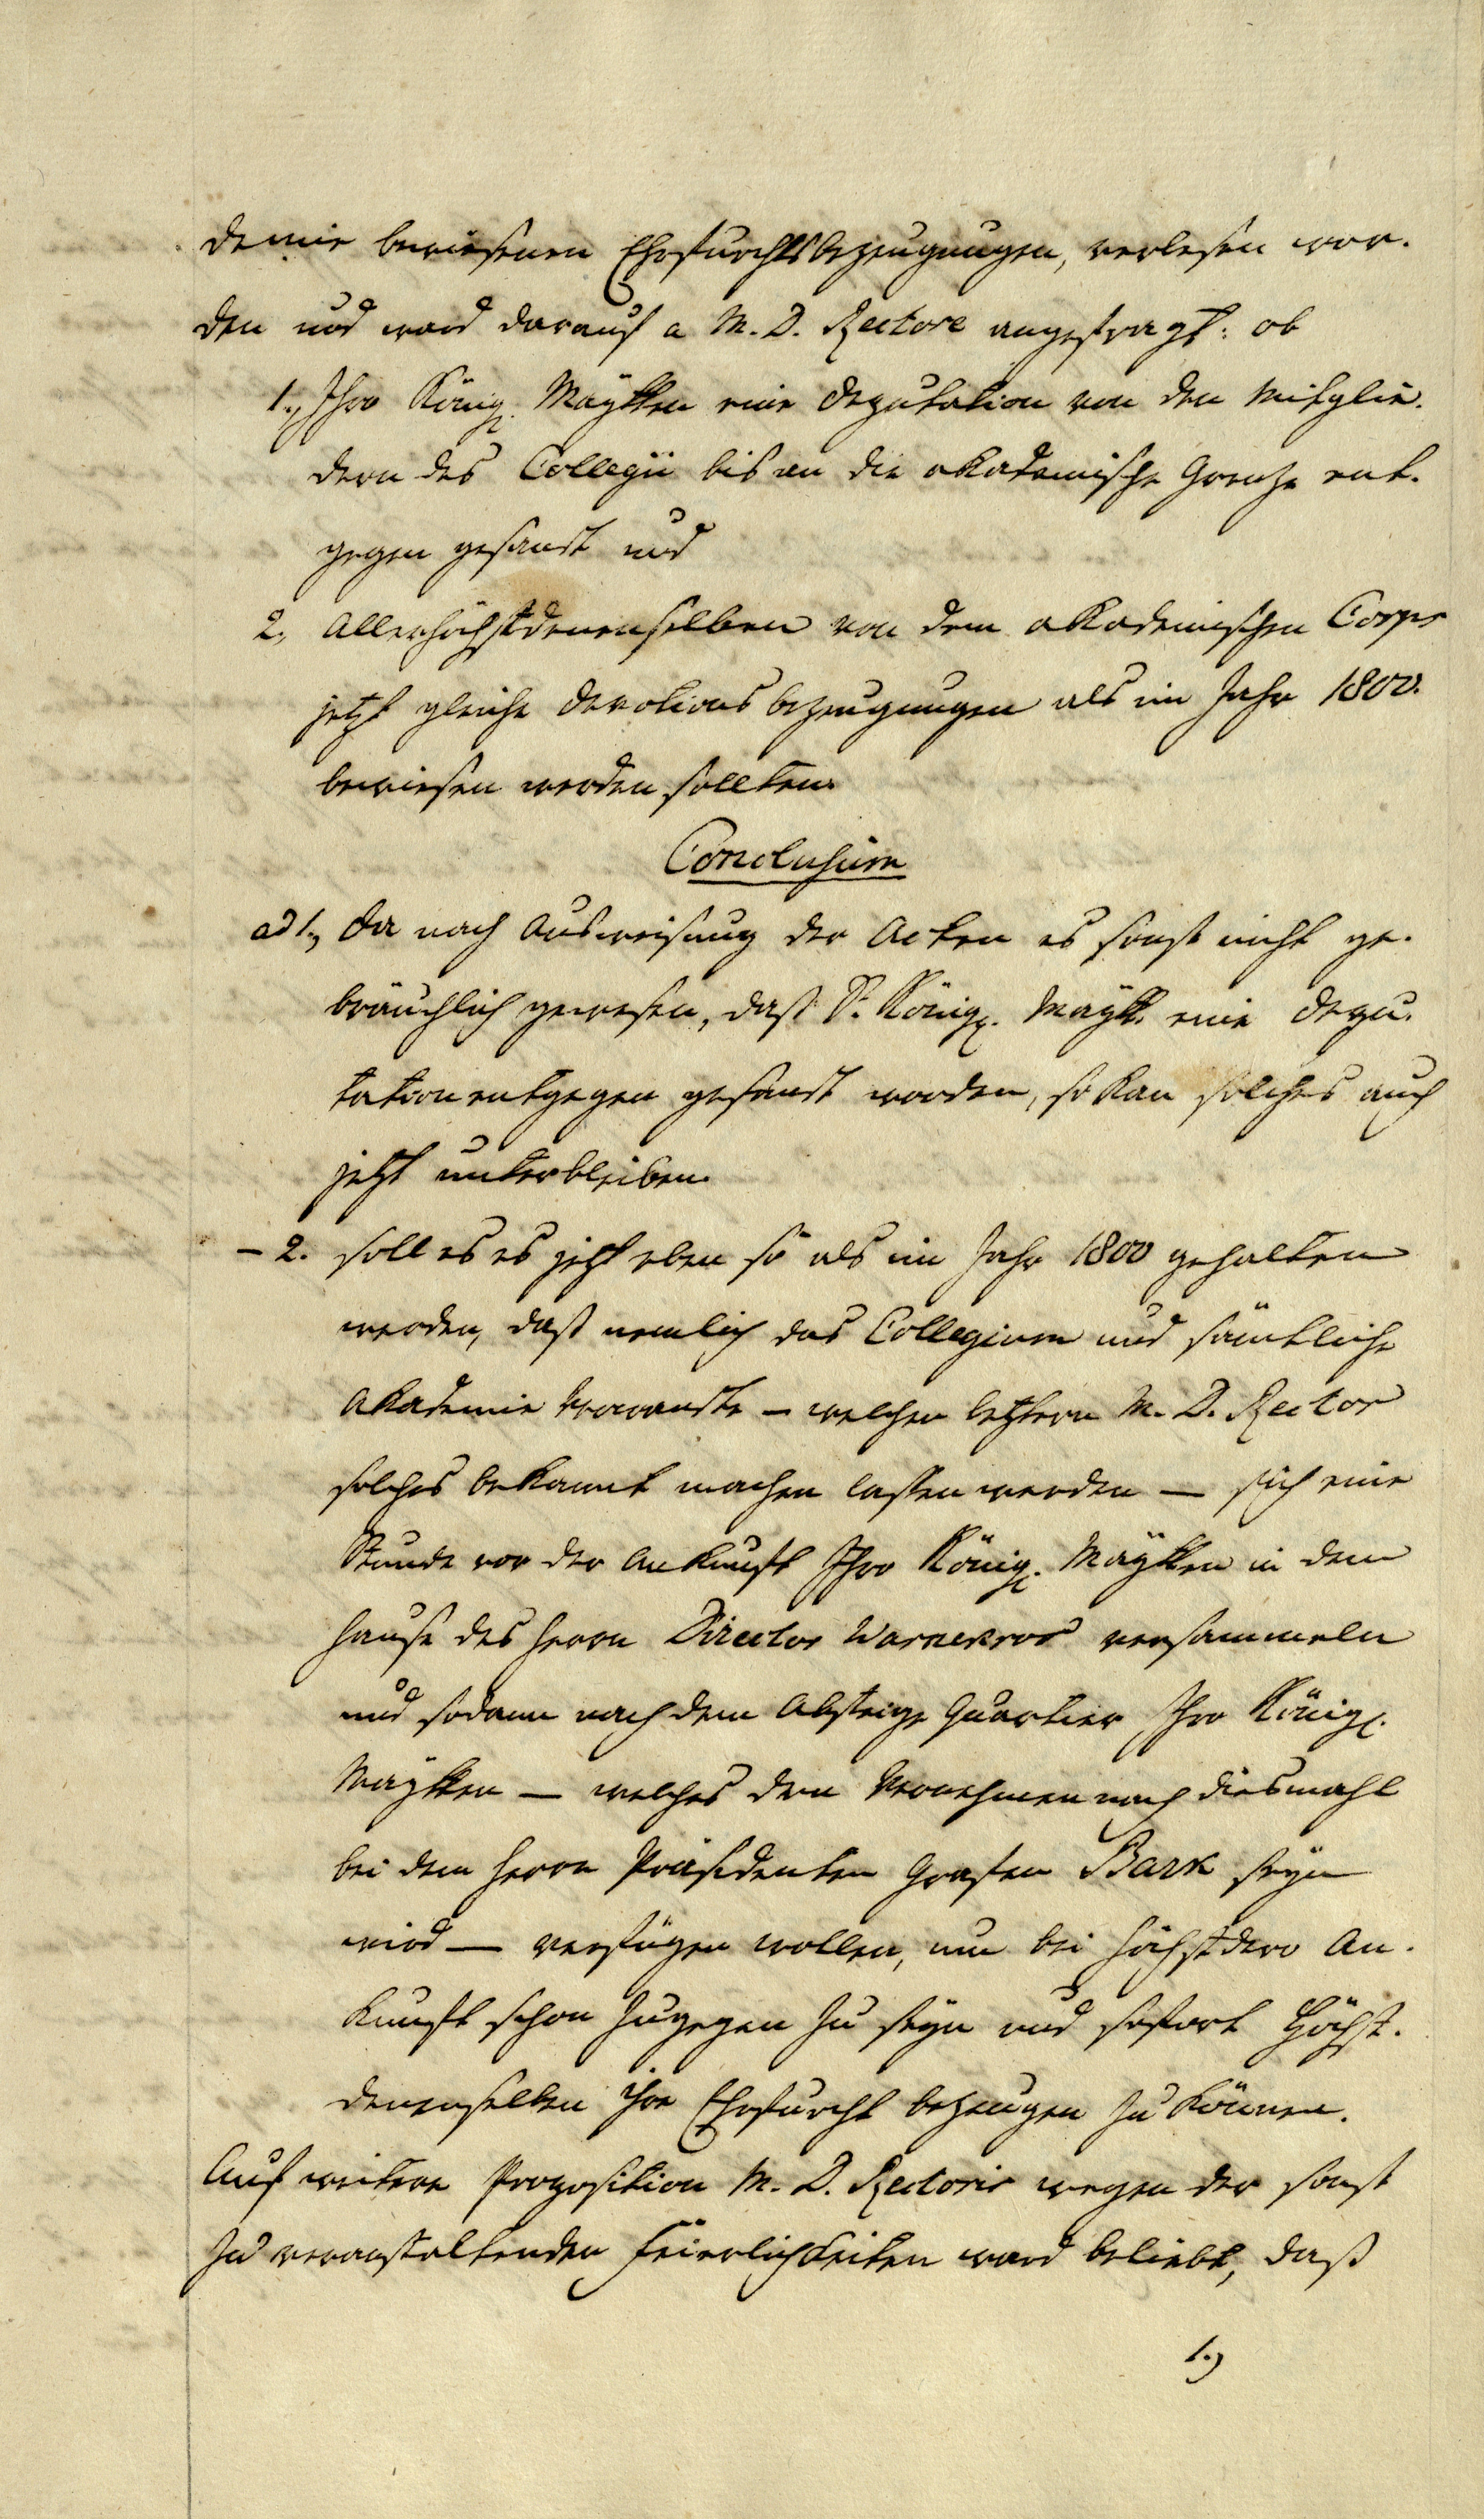demie bewiesenen Ehrfurchtsbezeugungen, verlesen wor¬
den und ward darauf a M. D. Rectore angefragt: ob
1., Ihro König. Maÿtten eine Deputation von den Mitglie¬
dern des Collegii bis an die akademische Grenze ent¬
gegen gesandt und
2., Allerhöchstdenenselben von dem akademischen Corps
jetzt gleiche Devotions bezeugungen als im Jahr 1800.
bewiesen werden sollten.
Conclusum
ad 1., Da nach Ausweisung der Acten es sonst nicht ge¬
bräuchlich gewesen, daß Sr. Königl. Maÿtt. eine Depu¬
tation entgegen gesandt worden, so kan solches auch
jetzt unterbleiben.
2. soll es es jetzt eben so als im Jahr 1800 gehalten
werden, daß nemlich das Collegium und sämtliche
Akademie Verwandte - welchen letztern M. D. Rector
solches bekannt machen lassen werden - sich eine
Stunde vor der Ankunft Ihro Königl. Maÿtten in dem
Hause des Herrn Director Warnekros versammeln
und sodann nach dem Absteige Quartier Ihro Königl.
Maÿtten - welches dem Vernehmen nach diesmahl
bei dem Herrn Präsidenten Grafen Bark seÿn
wird - verfügen wollen, um bei höchstdero An¬
kunft schon zugegen zu seÿn und sofort Höchst¬
denenselben ihre Ehrfurcht bezeugen zu können.
Auf weitere Proposition M. D. Rectoris wegen der sonst
zu veranstaltenden Feierlichkeiten ward beliebt, daß
1.,